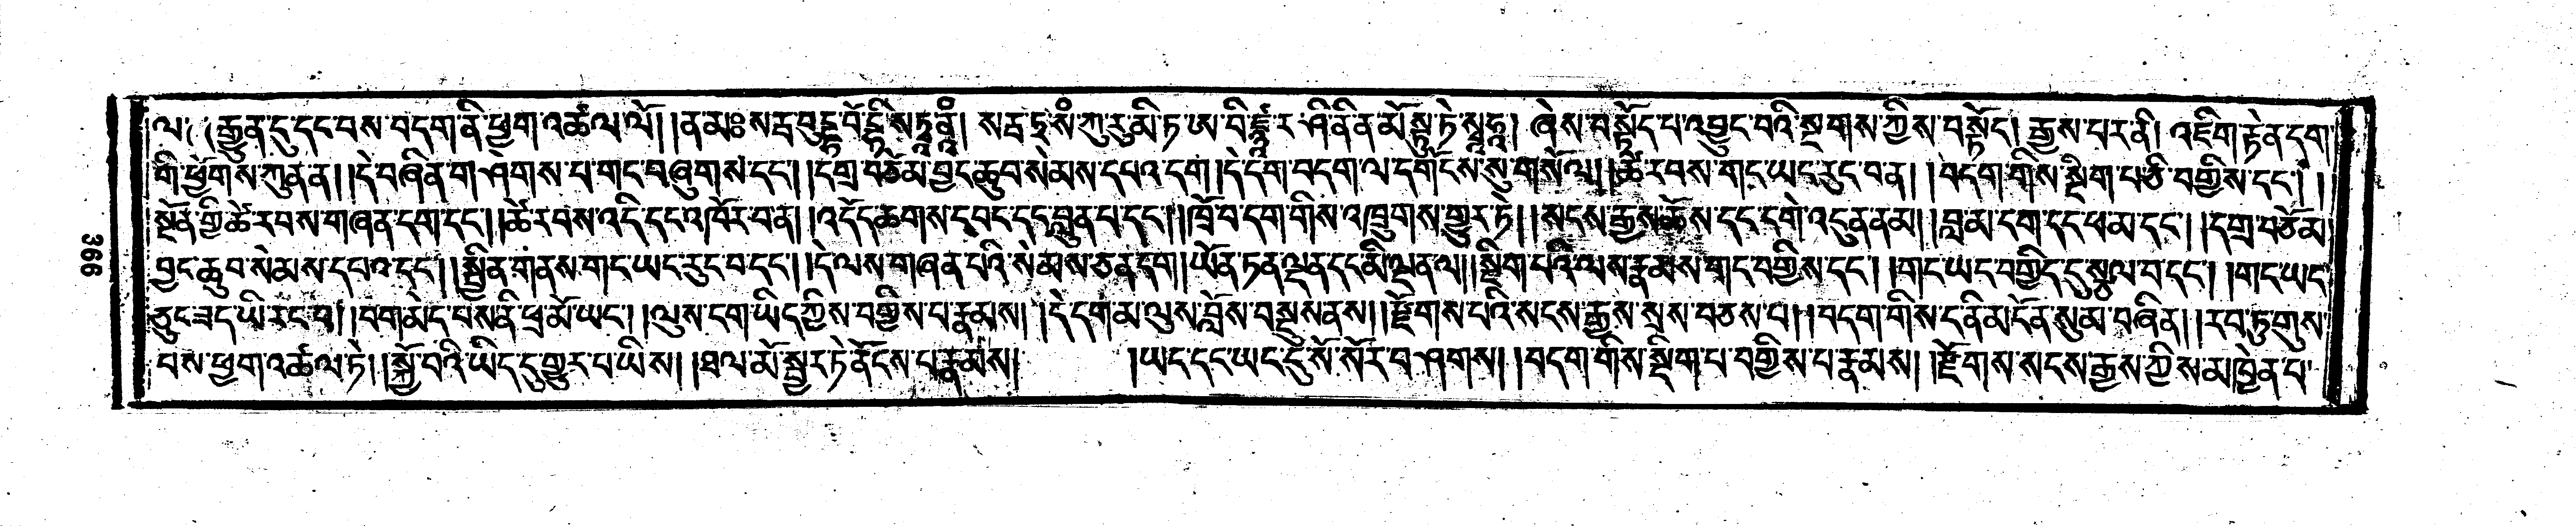ལ། །རྒྱུན་དུ་དང་བས་བདག་ནི་ཕྱག་འཚལ་ལོ། །ན་མཿ སརྦ་བུདྡྷ་བོ་དྷི་སཏྭཱ་ནཱཾ། སརྦ་ཏྲ་སཾ་ཀུ་རུ་མི་ཏ་ཨ་བི་ཛྙཱ་ར་ཤི་ནི་ན་མོ་སྟུ་ཏེ་སྭཱཧཱ། ཞེས་བསྟོད་པ་འབྱུང་བའི་སྔགས་ཀྱིས་བསྟོད། རྒྱས་པར་ནི། འཇིག་རྟེན་དག་
གི་ཕྱོགས་ཀུན་ན། །དེ་བཞིན་གཤེགས་པ་གང་བཞུགས་དང་། །དགྲ་བཅོམ་བྱང་ཆུབ་སེམས་དཔའ་དག །དེ་དག་བདག་ལ་དགོངས་སུ་གསོལ། །ཚེ་རབས་གང་ཡང་རུང་བ་ན། །བདག་གིས་སྡིག་པ་ཅི་བགྱིས་དང།།
སྔོན་གྱི་ཚེ་རབས་གཞན་དག་དང་། །ཚེ་རབས་འདི་དང་འཁོར་བ་ན། །འདོད་ཆགས་དབང་དང་བླུན་པ་དང་། །ཁྲོ་བ་དག་གིས་འཁྲུགས་གྱུར་ཏེ། །སངས་རྒྱས་ཆོས་དང་དགེ་འདུན་ནམ། །བླ་མ་དག་དང་ཕ་མ་དང་། །དགྲ་བཅོམ་
བྱང་ཆུབ་སེམས་དཔའ་དང་། །སྦྱིན་གནས་གང་ཡང་རུང་བ་དང་། །དེ་ལས་གཞན་པའི་སེམས་ཅན་དག །ཡོན་ཏན་ལྡན་དང་མི་ལྡན་ལ། །སྡིག་པའི་ལས་རྣམས་གང་བགྱིས་དང་། །གང་ཡང་བགྱིད་དུ་སྩལ་བ་དང་། །གང་ཡང་
ཅུང་ཟད་ཡི་རང་བ། །བག་མེད་པས་ནི་ཕྲ་མོ་ཡང་། །ལུས་ངག་ཡིད་ཀྱིས་བགྱིས་པ་རྣམས། །དེ་དག་མ་ལུས་བློས་བསྡུས་ནས། །རྫོགས་པའི་སངས་རྒྱས་སྲས་བཅས་པ། །བདག་གིས་ད་ནི་མངོན་སུམ་བཞིན། །རབ་ཏུ་གུས་
པས་ཕྱག་འཚལ་ཏེ། །སྐྱོ་བའི་ཡིད་དུ་གྱུར་པ་ཡིས། །ཐལ་མོ་སྦྱར་ཏེ་ནོངས་པ་རྣམས། །ཡང་དང་ཡང་དུ་སོ་སོར་བཤགས། །བདག་གིས་སྡིག་པ་བགྱིས་པ་རྣམས། །རྫོགས་སངས་རྒྱས་ཀྱིས་མཁྱེན་པ་